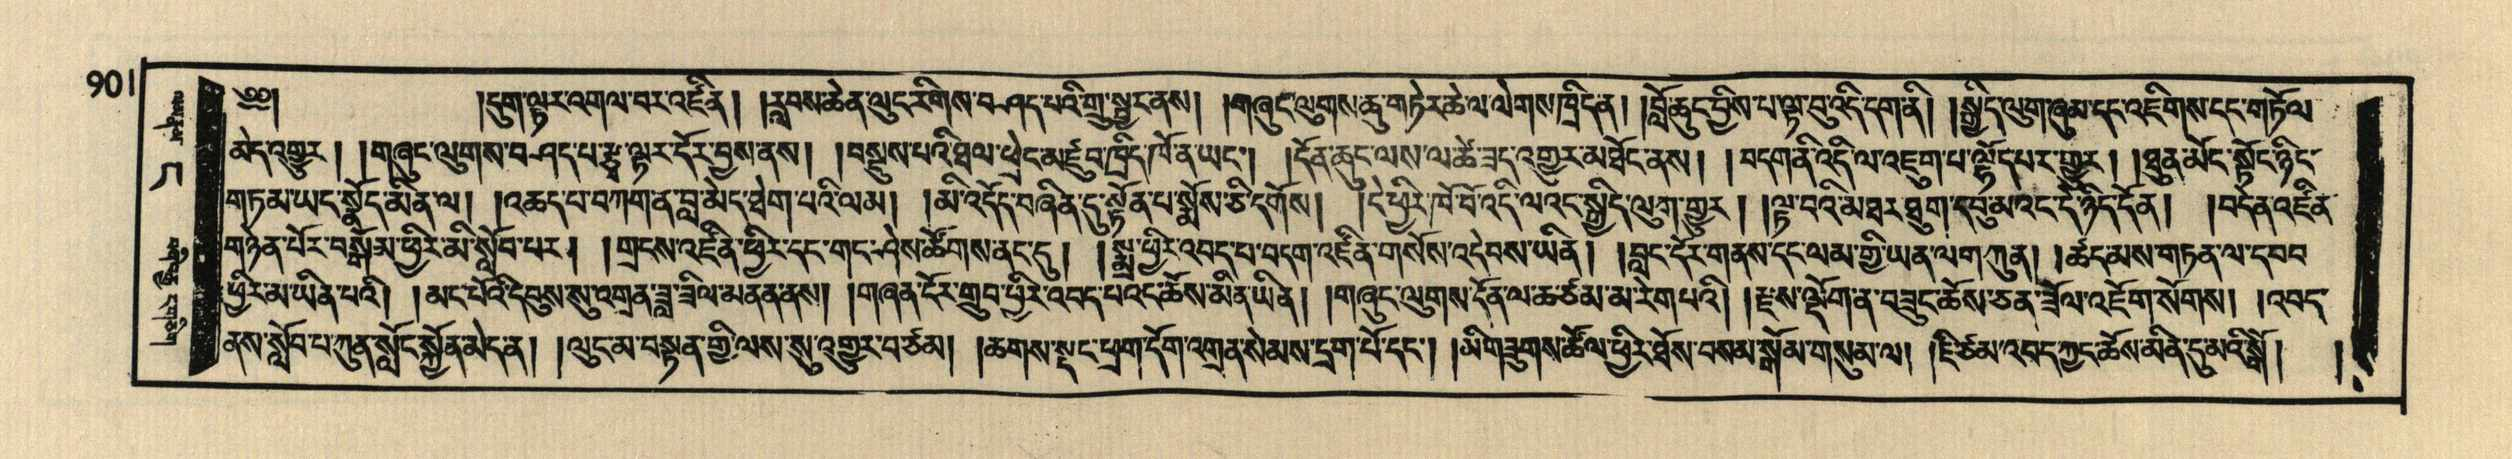༄༅། །དུག་ལྟར་འགལ་བར་འཛིན། །རླབས་ཆེན་ལུང་རིགས་བཤད་པའི་གྲུ་སྦྱང་ནས། །གཞུང་ལུགས་ཆུ་གཏེར་ཆེ་ལ་ལེགས་ཁྲིད་ན། །བློ་ཆུང་བྱིས་པ་ལྟ་བུ་འདི་དག་ནི། །སྒྱིད་ལུག་ཞུམ་དང་འཇིགས་དང་གཏོལ་
མེད་འགྱུར། །གཞུང་ལུགས་བཤད་པ་རྩྭ་ལྟར་དོར་བྱས་ནས། །བསྡུས་པའི་ཐལ་ཕྲེང་མཛུབ་ཁྲིད་ཁོ་ན་ཡང་། །དོན་ཆུང་ལས་ལ་ཚེ་ཟད་འགྱུར་མཐོང་ནས། །བདག་ནི་འདི་ལ་འཇུག་པ་ལྷོད་པར་གྱུར། །ཐུན་མོང་སྟོང་ཉིད་
གཏམ་ཡང་སྣོད་མིན་ལ། །འཆད་པ་བཀག་ན་བླ་མེད་ཐེག་པའི་ལམ། །མི་འདོད་བཞིན་དུ་སྟོན་པ་སྨོས་ཅི་དགོས། །དེ་ཕྱིར་ཁོ་བོ་འདི་ལའང་སྐྱིད་ལུག་གྱུར། །ལྟ་བའི་མཐར་ཐུག་དབུ་མའང་དེ་ཉིད་དོན། །བདེན་འཛིན་
གཉེན་པོར་བསྒོམ་ཕྱིར་མི་སློབ་པར། །གྲངས་འཛིན་ཕྱིར་དང་གང་ཤེས་ཚོགས་ནང་དུ། །སྨྲ་ཕྱིར་འབད་པ་བདག་འཛིན་གསོས་འདེབས་ཡིན། །བླང་དོར་གནས་དང་ལམ་གྱི་ཡན་ལག་ཀུན། །ཚེད་མས་གཏན་ལ་དབབ་
ཕྱིར་མ་ཡིན་པའི། །མང་པོའི་དབུས་སུ་འགྲན་ཟླ་ཟིལ་མནན་ནས། །གཞན་ངོར་གྲུབ་ཕྱིར་འབད་པའང་ཆོས་མིན་ཡིན། །གཞུང་ལུགས་དོན་ལ་ཆ་ཙམ་མ་རེག་པའི། །རྫས་ལྡོག་ན་བཟུང་ཆོས་ཅན་ཟོལ་འཇོག་སོགས། །འབད་
ནས་སློབ་པ་ཀུན་སློང་སྐྱོན་མེད་ན། །ལུང་མ་བསྟན་གྱི་ལས་སུ་འགྱུར་བ་ཙམ། །ཆགས་སྡང་ཕྲག་དོག་འགྲན་སེམས་དྲག་པོ་དང་། །མི་གཟུགས་ཚོལ་ཕྱིར་ཐོས་བསམ་སྒོམ་གསུམ་ལ། །ཇི་ཙམ་འབད་ཀྱང་ཆོས་མིན་དུ་མའི་སྒོ། །